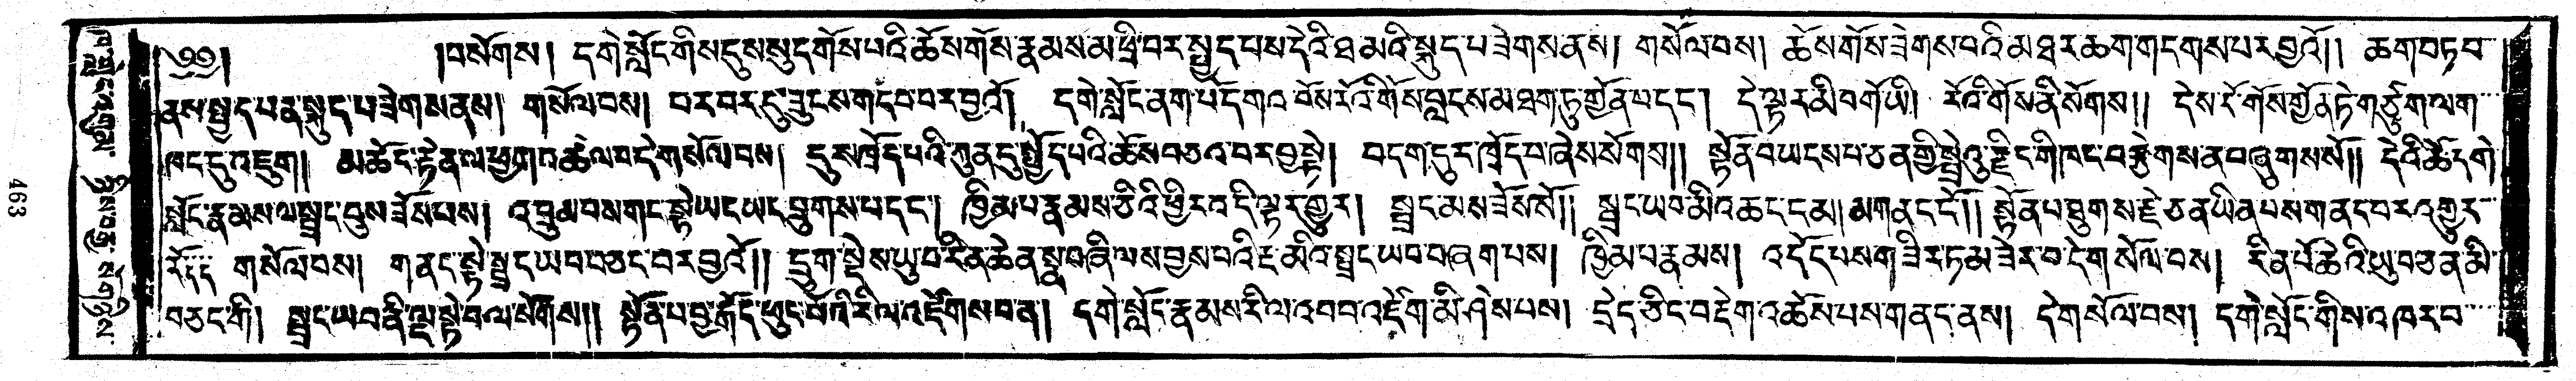༄༅། །བསོགས། དགེ་སློང་གིས་དུས་སུ་དགོས་པའི་ཆོས་གོས་རྣམས་མ་ཕྲི་བར་སྤྱད་པས་དེའི་ཐ་མའི་སྐུད་པ་ཟེགས་ནས། གསོལ་བས། ཆོས་གོས་ཟེགས་པའི་མཐར་ཆག་གདགས་པར་བྱའོ།། ཆག་བཏབ་
ནས་སྤྱད་པན་སྐུད་བཟེགས་ནས། གསོལ་བས། བར་བར་དུ་ཟུངས་གདབ་པར་བྱའོ། དགེ་སློང་ནག་པོ་དགའ་བོས་རོའི་གོས་བླངས་མ་ཐག་ཏུ་གྱོན་པ་དང་། དེ་ལྟར་མི་བགོ་ཡི། རོའི་གོས་ནི་སོགས།། དེས་རོ་གོས་གྱོན་ཏེ་གཙུག་ལག་
ཁང་དུ་འཇུག། མཆོད་རྟེན་ལ་ཕྱག་འཚལ་བདེ་གསོལ་བས། དུས་ཁྲོད་པའི་ཀུན་དུ་སྤྱོད་པའི་ཆོས་བཅའ་བར་བྱ་སྟེ། བདག་དུར་ཁྲོད་པ་ཞེས་སོགས།། སྟོན་བ་ཡངས་པ་ཅན་གྱི་སྤྲེའུ་རྫིང་གི་ཁང་བརྩེགས་ན་བཞུགས་སོ།། དེའི་ཚེ་དགེ་
སློང་རྣམས་ལ་སྦྲང་བུས་ཟོས་པས། འབྲུམ་བས་གང་སྟེ་ཡང་ཡང་བྲུགས་པ་དང་། ཁྱིམ་པ་རྣམས་ཅིའི་ཕྱིར་འདི་ལྟར་གྱུར། སྦྲང་མས་ཟོས་སོ།། སྦྲང་ཡབ་མི་འཆང་ངམ། མགན་ང་ངོ། །སྟོན་པ་ཐུགས་རྗེ་ཅན་ཡིན་པས་གནང་བར་འགྱུར་
རོ༑༑ གསོལ་བས། གནང་སྟེ་སྦྲང་ཡབ་བཅང་བར་བྱའོ།། དྲུག་སྡེས་ཡུ་བ་རིན་ཆེན་སྣ་བཞི་ལས་བྱས་པའི་རྔ་མའི་སྦྲང་ཡབ་བཞག་པས། ཁྱིམ་པ་རྣམས། འདོད་པས་གཟིར་ཏམ་ཟེར་བ་དེ་གསོལ་བས། རིན་པོ་ཆེའི་ཡུ་བ་ཅན་མི་
བཅང་གི། སྦྲང་ཡབ་ནི་ལྔ་སྟེ་བ་ལ་སོགས།། སྟོན་པ་བྱ་རྒོད་ཕུང་བོའི་རིལ་འཛེགས་བ་ན། དགེ་སློང་རྣམས་རི་ལ་འབབ་འཛེག་མི་ཤེས་པས། དྲེད་ཅིང་བརྡེག་འཆོས་པས་གནད་ནས། དེ་གསོལ་བས། དགེ་སློང་གིས་འཁར་བ་